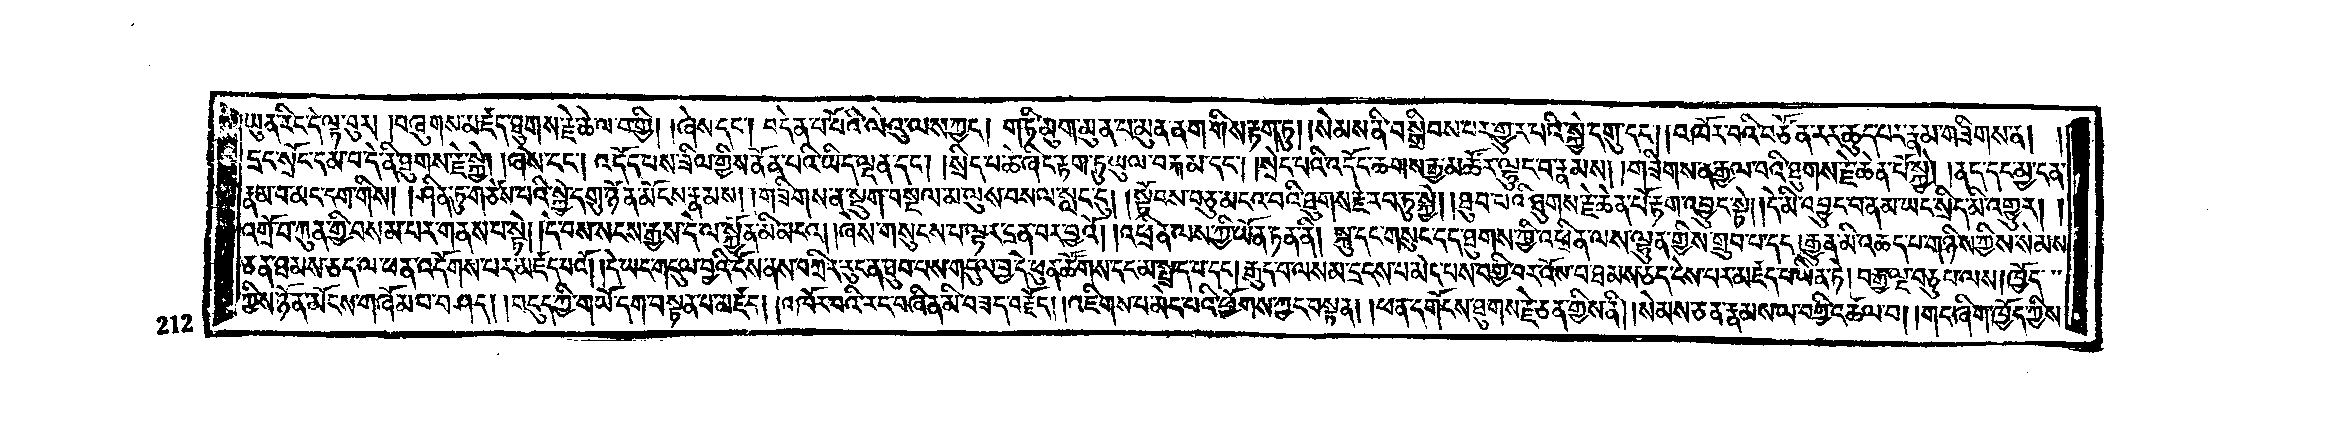ཡུན་རིང་དེ་ལྟ་བུར། །བཞུགས་མཛད་ཐུགས་རྗེ་ཆེ་ལ་བགྱི། །ཞེས་དང་། བདེན་པ་པོའི་ལེའུ་ལས་ཀྱང་། གཏི་མུག་མུན་པ་མུན་ནག་གིས་རྟག་ཏུ། །སེམས་ནི་བསྒྲིབས་པར་གྱུར་པའི་སྐྱེ་དགུ་དང་། །འཁོར་བའི་བཙོན་རར་ཆུད་པར་རྣམ་གཟིགས་ན། །
དྲང་སྲོང་དམ་པ་དེ་ནི་ཐུགས་རྗེ་སྐྱེ། །ཞེས་དང་། འདོད་པས་ཟིལ་གྱིས་ནོན་པའི་ཡིད་ལྡན་དང་། །སྲེད་པ་ཆེ་ཞིང་རྟག་ཏུ་ཡུལ་བརྐམ་དང་། །སྲེད་པའི་འདོད་ཆགས་རྒྱ་མཚོར་ལྷུང་བ་རྣམས། །གཟིགས་ན་རྒྱལ་བའི་ཐུགས་རྗེ་ཆེན་པོ་སྐྱེ། །ནད་དང་མྱ་ངན་
རྣམ་པ་མང་དག་གིས། །ཤིན་ཏུ་གཙེས་པའི་སྐྱེ་དགུ་ཉོན་མོངས་རྣམས། །གཟིགས་ན་སྡུག་བསྔལ་མ་ལུས་བསལ་སླད་དུ། །སྟོབས་བཅུ་མངའ་བའི་ཐུགས་རྗེ་རབ་ཏུ་སྐྱེ། །ཐུབ་པའི་ཐུགས་རྗེ་ཆེན་པོ་རྟག་འབྱུང་སྟེ། །དེ་མི་འབྱུང་བ་ནམ་ཡང་སྲིད་མི་འགྱུར། །
འགྲོ་བ་ཀུན་གྱི་བསམ་པར་གནས་པ་སྟེ། །དེ་བས་སངས་རྒྱས་དེ་ལ་སྐྱོན་མི་མངའ། །ཞེས་གསུངས་པ་ལྟར་དྲན་པར་བྱའོ། །འཕྲིན་ལས་ཀྱི་ཡོན་ཏན་ནི། སྐུ་དང་གསུང་དང་ཐུགས་ཀྱི་འཕྲིན་ལས་ལྷུན་གྱིས་གྲུབ་པ་དང་། རྒྱུན་མི་འཆད་པ་གཉིས་ཀྱིས་སེམས་
ཅན་ཐམས་ཅད་ལ་ཕན་འདོགས་པར་མཛད་པའོ། །དེ་ཡང་གདུལ་བྱའི་ངོས་ནས་བཀྲིར་རུང་ན་ཐུབ་པས་གདུལ་བྱ་དེ་ཕུན་ཚོགས་དང་མ་སྤྲད་པ་དང་། རྒུད་པ་ལས་མ་དྲངས་པ་མེད་པས་བགྱི་བར་འོས་པ་ཐམས་ཅད་ངེས་པར་མཛད་པ་ཡིན་ཏེ། བརྒྱ་ལྔ་བཅུ་པ་ལས། ཁྱོད་
ཀྱིས་ཉོན་མོངས་གཞོམ་པ་བཤད། །བདུད་ཀྱི་གཡོ་དག་བསྟན་པ་མཛད། །འཁོར་བའི་རང་བཞིན་མི་བཟད་བརྗོད། །འཇིགས་པ་མེད་པའི་ཕྱོགས་ཀྱང་བསྟན། །ཕན་དགོངས་ཐུགས་རྗེ་ཅན་གྱིས་ནི། །སེམས་ཅན་རྣམས་ལ་བགྱི་འཚལ་བ། །གང་ཞིག་ཁྱོད་ཀྱིས་